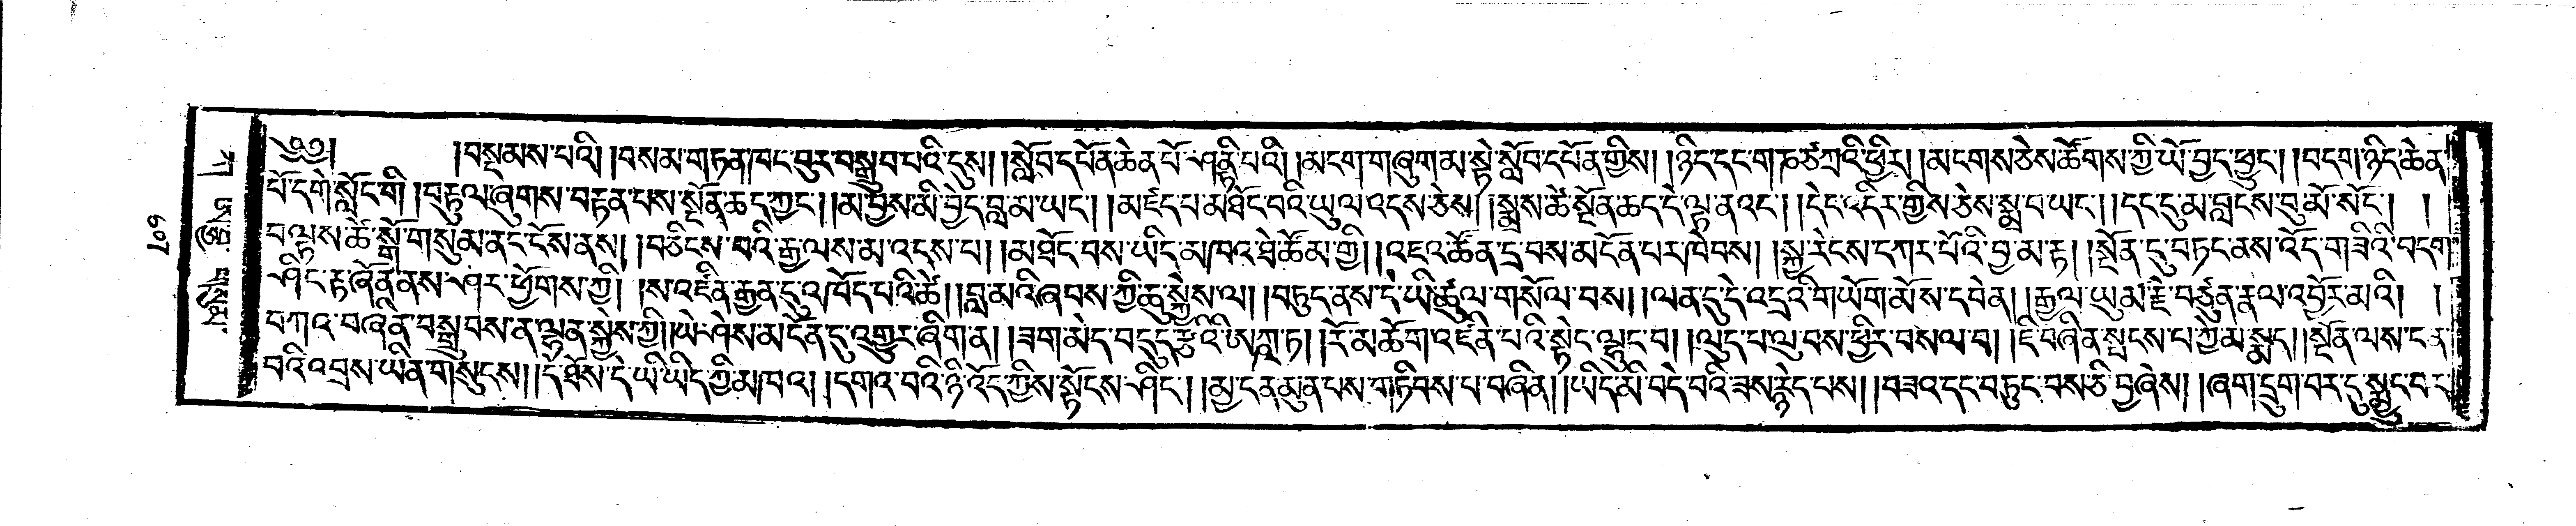༄༅། །བསྡམས་པའི། །བསམ་གཏན་ཁང་བུར་བསྒྲུབ་པའི་དུས། །སློབ་དཔོན་ཆེན་པོ་ཤནྟི་པའི། །མངག་གཞུག་མ་སྟེ་སློབ་དཔོན་གྱིས། །ཉིད་དང་ག་ཎ་ཙ་ཀྲའི་གྱིས། །མངགས་ཅེས་ཚོགས་ཀྱི་ཡོ་བྱད་གྱུར། །བདག་ཉིད་ཆེན་
པོ་དགེ་སློང་གི །བརྟུལ་ཞུགས་བརྟན་པས་སྔོན་ཆད་ཀྱང་། །མ་བྱས་མི་བྱེད་བླ་མ་ཡང་། །མཛད་པ་མཐོང་བའི་ཡུལ་འདས་ཅེས། །སྨྲས་ཚེ་སྔོན་ཆད་དེ་ལྟ་ནའང་། །དེང་འདིར་གྱིས་ཅེས་སྨྲ་བ་ཡང་། །དང་དུ་མ་བླངས་བུ་མོ་སོང་། །
བལྟས་ཚེ་སྒོ་གསུམ་ནང་ངོས་ནས། །བཅིངས་པའི་རྒྱ་ལས་མ་འདས་པ། །མཐོང་བས་ཡིད་མཁར་ཐེ་ཚོམ་གྱི། །འཇའ་ཚོན་དྲ་བས་མངོན་པར་ཁེབས། །སྐྱ་རེངས་དཀར་པོའི་བྱ་མ་རྟ། །སྔོན་དུ་བཏང་ནས་འོད་གཟིའི་དག །
ཤིང་རྟ་ཞོན་ནས་ཤར་ཕྱོགས་ཀྱི། །ས་འཛིན་རྒྱན་དུ་འཁོད་པའི་ཚེ། །བླ་མའི་ཞབས་ཀྱི་ཆུ་སྐྱེས་ལ། །བཏུད་ནས་དེ་ཡི་ཚུལ་གསོལ་བས། །ལན་དུ་དེ་འདྲའི་གཡོག་མོས་དབེན། །རྒྱལ་ཡུམ་རྗེ་བཙུན་རྣལ་འབྱོར་མའི། །
བཀའ་བཞིན་བསྒྲུབས་ན་ལྷན་སྐྱེས་ཀྱི། །ཡེ་ཤེས་མངོན་དུ་འགྱུར་ཞིག་ན། །ཟག་མེད་བདུད་རྩིའི་ཨཀྵ་ཧ། །རོ་མཆོག་འཛིན་པའི་སྟེང་ལྷུང་བ། །ལུད་པ་ལུ་བས་ཕྱིར་བསལ་བ། །དེ་བཞིན་སྤངས་པ་ཀྱེ་མ་སྨད། །སྔོན་ལས་ངན་
པའི་འབྲས་ཡིན་གསུངས། །དེ་ཐོས་དེ་ཡི་ཡིད་ཀྱི་མཁའ། །དགའ་བའི་ཉི་འོད་ཀྱིས་སྟོངས་ཤིང་། །མྱ་ངན་མུན་པས་གཏིབས་པ་བཞིན། །ཡི་དམ་བདེ་བའི་ཟས་རྙེད་པས། །བཟའ་དང་བཏུང་བས་ཅི་བྱ་ཞེས། །ཞག་དྲུག་བར་དུ་སྨྱུང་བར་